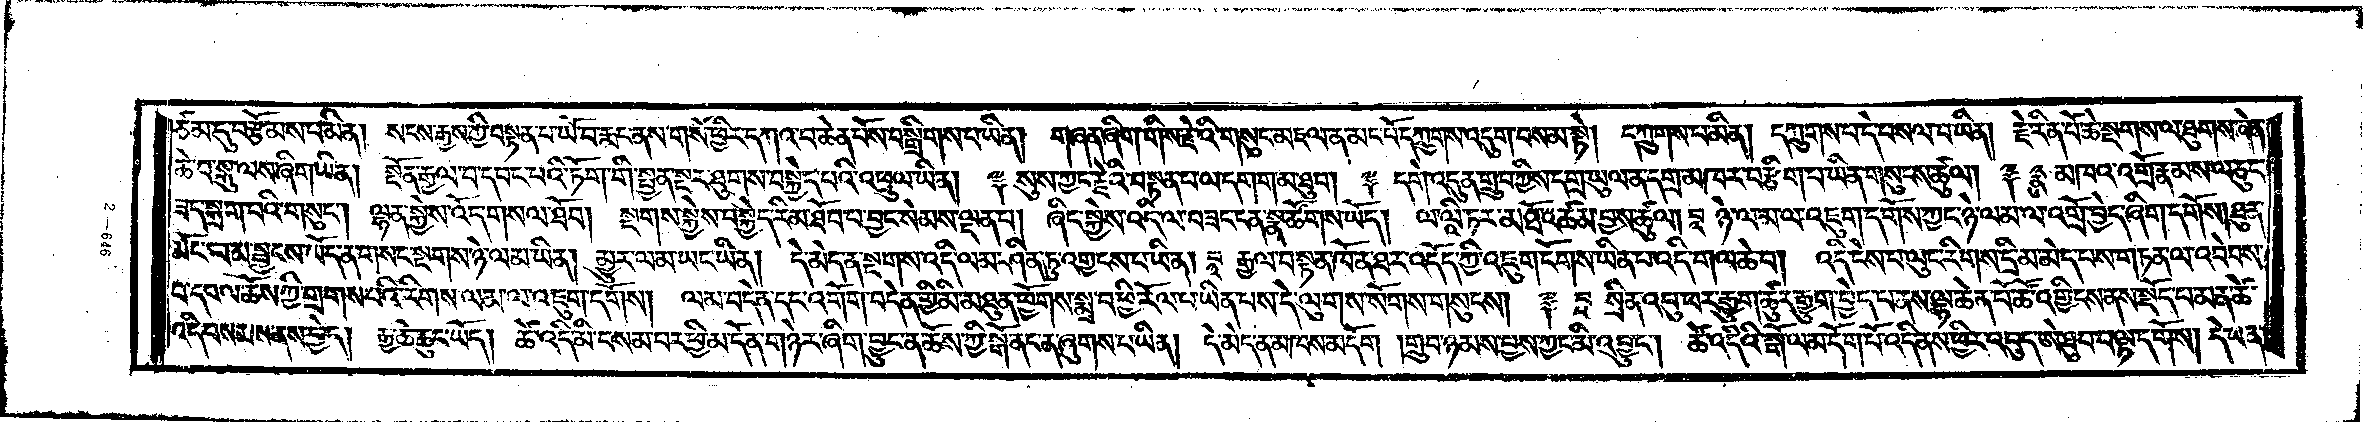ཙམ་དུ་བརྩོམས་པ་མིན། སངས་རྒྱས་ཀྱི་བསྟན་པ་ཡོ་བ་རྨང་ནས་གསོ་ཕྱིར་དཀའ་བ་ཆེན་པོས་བསྒྲིགས་པ་ཡིན། གཞན་ཞིག་གིས་རྗེའི་གསུང་མཇལ་ན་མང་པོ་དཀྲུགས་འདུག་བསམ་སྟེ། དཀྲུགས་པ་མིན། དཀྲུགས་པ་དེ་བསལ་བ་ཡིན། རྗེ་རིན་པོ་ཆེ་སྔགས་ལ་ཐུགས་ཞེན་
ཆེ་བ་སྐུ་ལས་ཞིག་ཡིན། སྔོན་རྒྱལ་བ་དབང་པའི་ཏོག་གི་སྤྱན་སྔར་ཐུགས་བསྐྱེད་པའི་འཕྲུལ་ཡིན། ༈ སུས་ཀྱང་རྗེའི་བསྟན་པ་ལ་དགག་མ་ཐུབ། ༈ དགེ་འདུན་གྲུབ་ཀྱིས་དགྲ་ཡུལ་ན་དགྲ་མཁར་བརྩིག་པ་ཡིན་གསུངས་ཚུལ། ༈ ༢ན༦་མཁའ་འགྲོ་རྣམས་ལ་ཅུང་
ཟད་སྐྲག་བའི་གསུང་། ལྷན་སྐྱེས་འོད་གསལ་ཐོབ། སྔགས་སྐྱེས་བསྐྱེད་རིམ་ཐོབ་པ་བྱང་སེམས་ལྡན་པ། ཞིང་སྐྱེས་འདི་ལ་བཟང་ངན་སྣ་ཚོགས་ཡོད། ལ་ལཱི་ཏར་མཐོ་འཚམ་བྱས་ཚུལ། བ༢་ཉེ་ལམ་ལ་འཇུག་དགོས་ཀྱང་ཉེ་ལམ་ལ་འགྲོ་བྱེད་ཞིག་དགོས། ཐུན་
མོང་བ་མ་སྦྱངས་ཡོད་ན་གསང་སྔགས་ཉེ་ལམ་ཡིན། མྱུར་ལམ་ཡང་ཡིན། དེ་མེད་ན་སྔགས་འདི་ལམ་྾་ཤིན་ཏུ་འགྱངས་པ་ཡིན། བ༣་རྒྱལ་བསྟན་ཁོ་ན་ཐར་འདོད་ཀྱི་འཇུག་ངོགས་ཡིན་པ་འདི་གལ་ཆེ་བ། འདི་ངེས་པ་ལུང་རིགས་དྲི་མ་མེད་ཕས་གཏན་ལ་འབེབས་
པ་དཔལ་ཆོས་ཀྱི་གྲགས་པའི་རིགས་ལམ་ལ་འཇུག་དགོས། ལམ་བདེན་དང་འགོག་བདེན་གྱི་མི་མཐུན་ཕྱོགས་སྨྲ་བ་ཕྱི་རོལ་པ་ཡིན་པས་དེ་ལུགས་སོགས་གསུངས། ༈ བ༥་སྲིན་འབུ་ཕར་རྒྱུག་ཚུར་རྒྱུག་བྱེད་པ་ནས་ལྷ་ཆེན་པོ་ཚོ་འགྱིངས་ནས་སྡོད་པ་མན་ཚེ་
འདི་བསམས་ནས་བྱེད། རྒྱ་ཆེ་ཆུང་ཡོད། ཚེ་འདི་མི་བསམ་པར་ཕྱི་མ་དོན་གཉེར་ཞིག་བྱུང་ན་ཆོས་ཀྱི་སྒོ་ནང་ན་ཞུགས་པ་ཡིན། དེ་མེད་ན་མཁས་མདོག །གྲུབ་ཉམས་བྱས་ཀྱང་མི་འབྱུང་། ཚེ་འདིའི་སྒོ་ལམ་དོག་པོ་འདི་ནས་ཕྱིར་འབུད་ཨེ་ཐུབ་བལྟ་དགོས། དེ་ཡན་